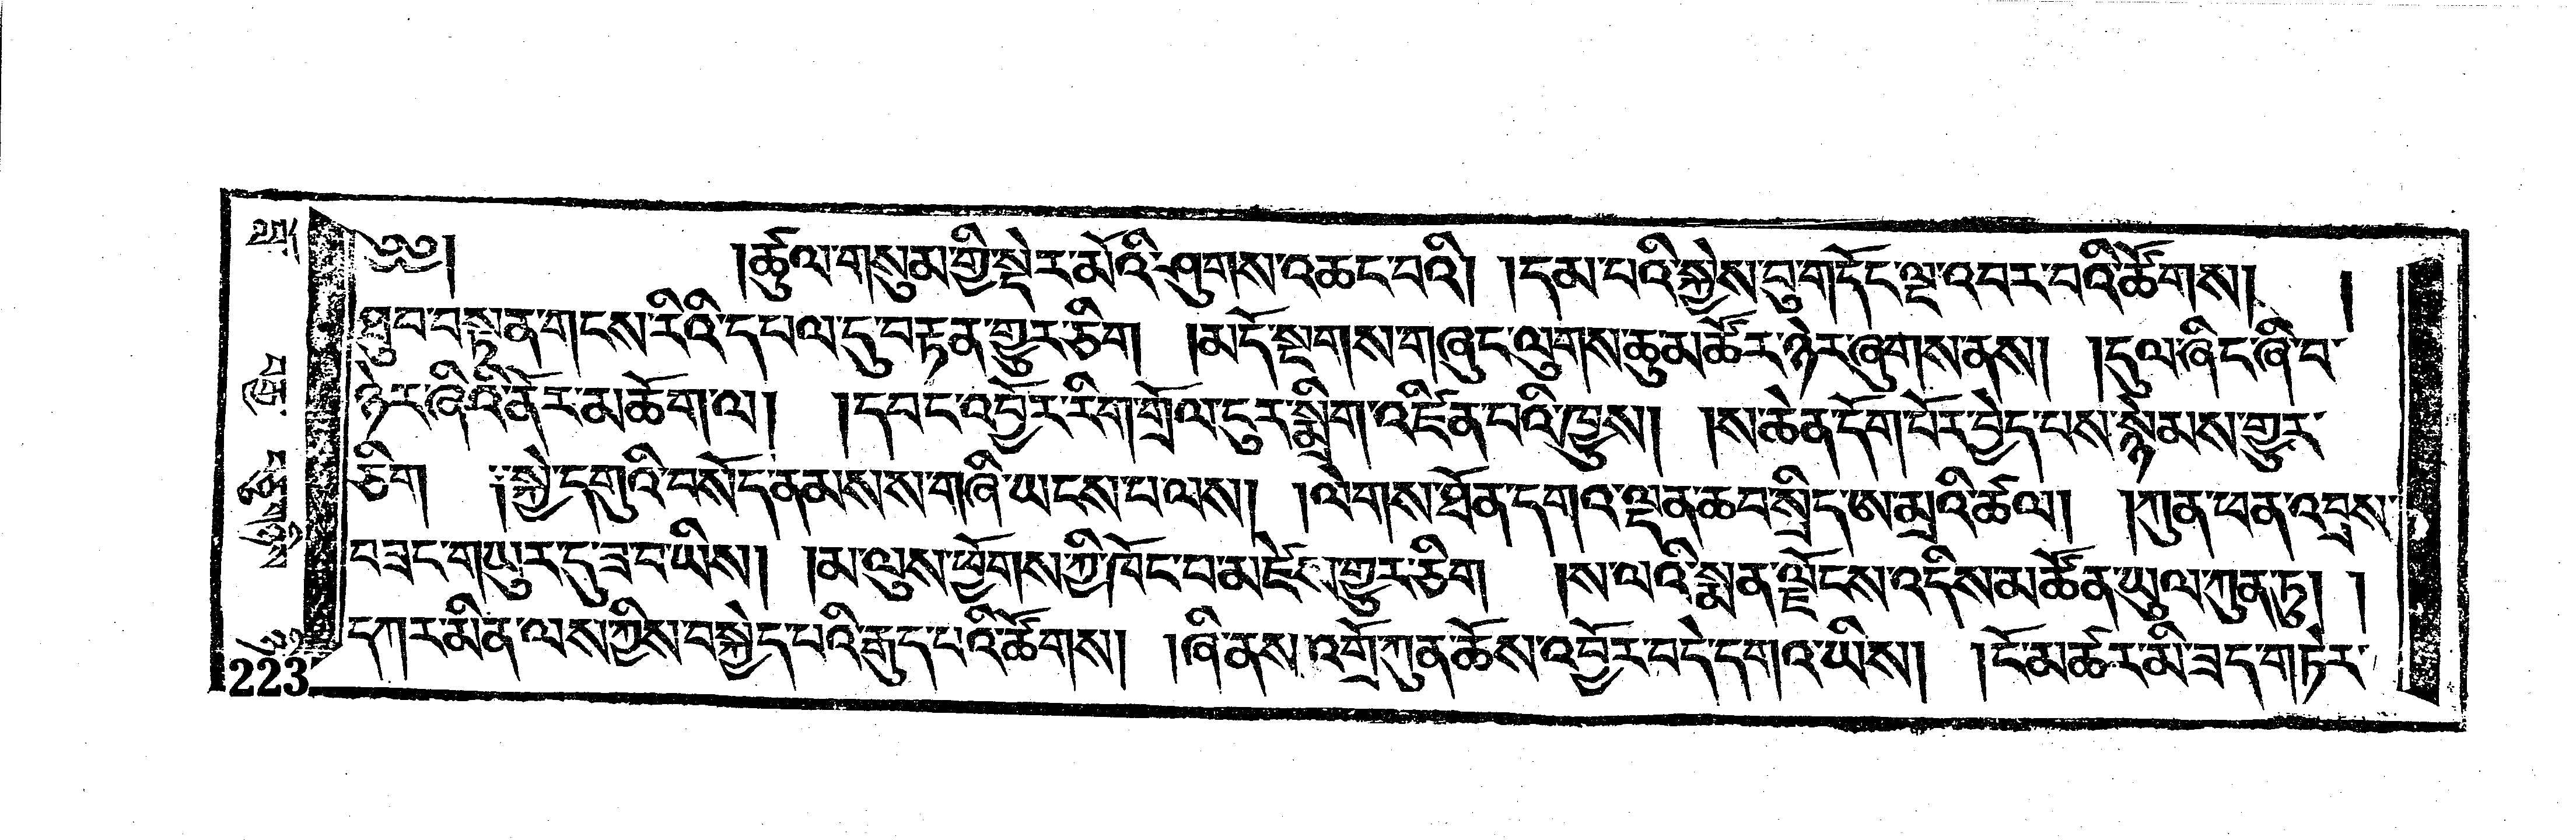༄༅། །ཚུལ་གསུམ་གྱི་སྡེར་མོའི་ཤུགས་འཆང་བའི། །དམ་པའི་སྐྱེས་བུ་གདོང་ལྔ་འབར་བའི་ཚོགས། །
ཐུབ་བསྟན་གངས་རིའི་དཔལ་ཏུ་བརྟན་གྱུར་ཅིག །མདོ་སྔགས་གཞུང་ལུགས་ཆུ་མཚོར་ཉེར་ཞུགས་ནས། །དུལ་ཞིང་ཞི་བ་
ཉེར་ཞིའི་ནོར་མཆོག་ལ། །དབང་འབྱོར་རིག་གྲོལ་ངུར་སྨྲིག་འཛིན་པའི་ཁྱུས། །ས་ཆེན་དོག་པོར་བྱེད་པས་སྙེམས་གྱུར་
ཅིག ༑སྐྱེ་དགུའི་བསོད་ནམས་ས་གཞི་ཡངས་པ་ལས། །ལེགས་ཐོན་དགའ་ལྡན་ཆབ་སྲིད་ཨ་མྲའི་ཚལ། །ཀུན་ཕན་འབྲས་
བཟང་གཡུར་དུ་ཟ་བ་ཡིས། །མ་ལུས་ཕྱོགས་ཀྱི་ཁོང་པ་མཛེས་གྱུར་ཅིག །ས་ལའི་སྨན་ལྗོངས་འདིས་མཚོན་ཡུལ་ཀུན་ཏུ། །
དཀར་མིན་ལས་ཀྱིས་བསྐྱེད་པའི་རྒུད་པའི་ཚོགས། །ཞི་ནས་འགྲོ་ཀུན་ཆོས་འབྱོར་བདེ་དགའ་ཡིས། །ངོ་མཚར་མི་ཟད་གཏེར་